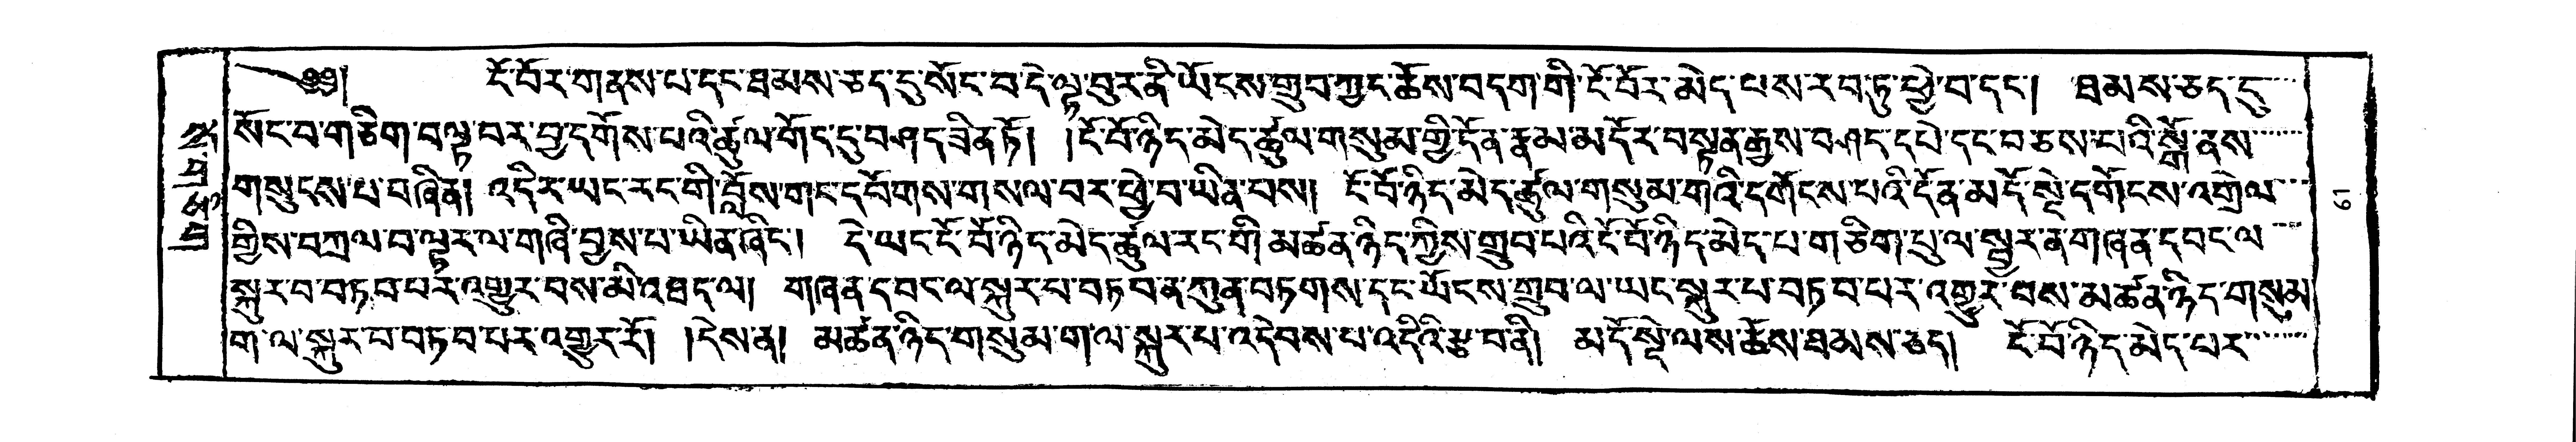༄༅། །ངོ་བོར་གནས་པ་དང་ཐམས་ཅད་དུ་སོང་བ་དེ་ལྟར་བུར་ནི་ཡོངས་གྲུབ་ཀྱང་ཆོས་བདག་གི་ངོ་བོར་མེད་པས་རབ་ཏུ་ཕྱེ་བ་དང་། ཐམས་ཅད་དུ་
སོང་བ་གཅིག་བལྟ་བར་བྱ་དགོས་པའི་ཚུལ་གོང་དུ་བཤད་ཟིན་ཏོ། །ངོ་བོ་ཉིད་མེད་ཚུལ་གསུམ་གྱི་དོན་རྣམ་མདོར་བསྟན་རྒྱས་བཤད་དཔེ་དང་བཅས་པའི་སྒོ་ནས་
གསུངས་པ་བཞིན། འདིར་ཡང་རང་གི་བློས་གང་དབོགས་གསལ་བར་ཕྱེ་བ་ཡིན་པས། ངོ་བོ་ཉིད་མེད་ཚུལ་གསུམ་གའི་དགོངས་པའི་དོན་མདོ་སྡེ་དགོངས་འགྲེལ་
གྱིས་བཀྲལ་བ་ལྟར་ལ་གཞི་བྱས་པ་ཡིན་ཞིང་། དེ་ཡང་ངོ་བོ་ཉིད་མེད་ཚུལ་རང་གི་མཚན་ཉིད་ཀྱིས་གྲུབ་པའི་ངོ་བོ་ཉིད་མེད་པ་གཅིག་པུ་ལ་སྦྱར་ན་གཞན་དབང་ལ་
སྐུར་བ་བཏབ་པར་འགྱུར་བས་མི་འཐད་ལ། གཞན་དབང་ལ་སྐུར་བ་བཏབ་ན་ཀུན་བཏགས་དང་ཡོངས་གྲུབ་ལ་ཡང་སྐུར་པ་བཏབ་པར་འགྱུར་བས་མཚན་ཉིད་གསུམ་
ག་ལ་སྐུར་བ་བཏབ་པར་འགྱུར་རོ། །དེས་ན། མཚན་ཉིད་གསུམ་ག་ལ་སྐུར་བ་འདེབས་པ་འདིའི་རྩ་བ་ནི། མདོ་སྡེ་ལས་ཆོས་ཐམས་ཅད། ངོ་བོ་ཉིད་མེད་པར་